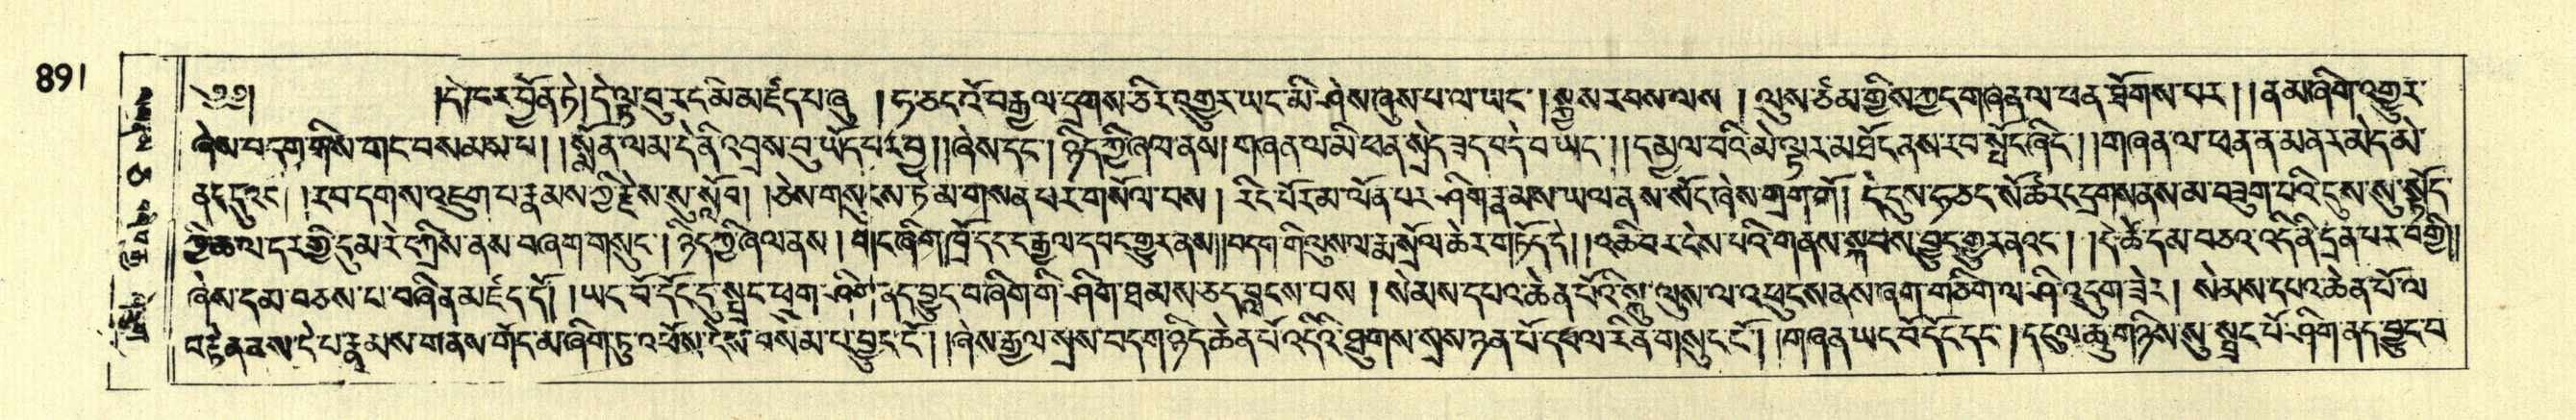༄༅། །དེ་ཁར་བྱོན་ཏེ། དེ་ལྟ་བུ་རང་མི་མཛད་པ་ཞུ་།ཧ་ཅང་འོ་བརྒྱལ་དྲགས་ཅིར་འགྱུར་ཡང་མི་ཤེས་ཞུས་པ་ལ་ཡང་། སྐྱས་རབས་ལས། ལུས་ཙམ་གྱིས་ཀྱང་གཞན་ལ་ཕན་ཐོགས་པར། །ནམ་ཞིག་འགྱུར་
ཞེས་བདག་གིས་གང་བསམས་པ། །སྨོན་ལམ་དེ་ནི་འབྲས་བུ་ཡོད་པར་བྱ། །ཞེས་དང་། ཉིད་ཀྱི་ཞལ་ནས། གཞན་ལ་མི་ཕན་སྲེད་ཟད་བདེ་བ་ཡང་། །དམྱལ་བའི་མེ་ལྟར་མཐོང་ནས་རབ་སྤོང་ཞིང་། །གཞན་ལ་ཕན་ན་མནར་མེད་མེ་
ནང་དུའང་། །རབ་དགས་འཇུག་པ་རྣམས་ཀྱི་རྗེས་སུ་སློབ། །ཅེས་གསུངས་ཏེ་མ་གསན་པར་གསོལ་བས། རིང་པོར་མ་ལོན་པར་ཤིག་རྣམས་ཡལ་ནས་སོང་ཞེས་གྲག་གོ། །དེ་དུས་ཧ་ཅང་སོ་ཚ་རང་དྲགས་ནས་མ་བཟུག་པའི་དུས་སུ་སྟོད་
ཀྱི་ཆ་ལ་དར་གྱི་དུམ་རེ་དཀྲིས་ནས་བཞག་གསུང་། ཉིད་ཀྱི་ཞལ་ནས། གང་ཞིག་ཁྲོ་དང་ང་རྒྱལ་དབང་གྱུར་ནས། །བདག་གི་ལུས་ལ་རྨ་སྲོལ་ཆེར་གཏོད་དེ། །འཆི་བར་ངེས་པའི་གནས་སྐབས་བྱུང་གྱུར་ནའང་། །དེ་ཚེ་དམ་བཅའ་འདི་ནི་དྲན་པར་བགྱི།།
ཞེས་དམ་བཅས་པ་བཞིན་མཛད་དོ། །ཡང་བོ་དོང་དུ་སྤྲང་ཕྲུག་ཤིག་ནད་བྱུང་བ་ཞིག་གི་ཤིག་ཐམས་ཅད་བླངས་པས། སེམས་དཔའ་ཆེན་པོའི་སྐུ་ལུས་ལ་འཕུངས་ནས་ཞག་གཅིག་ལ་ཤི་འདུག་ཟེར། སེམས་དཔའ་ཆེན་པོ་ལ་
བརྟེན་ནས་དེ་པ་རྣམས་གནས་གོང་མ་ཞིག་ཏུ་འཕོས་ངེས་བསམ་པ་བྱུང་ངོ། །ཞེས་རྒྱལ་སྲས་བདག་ཉིད་ཆེན་པོ་འདིའི་ཐུགས་སྲས་ཉན་པོ་དཔལ་རིན་གསུང་ངོ། །གཞན་ཡང་བོ་དོང་དང་།དངུལ་ཆུ་གཉིས་སུ་སྤྲང་པོ་ཤིག་ནད་བྱུང་བ་